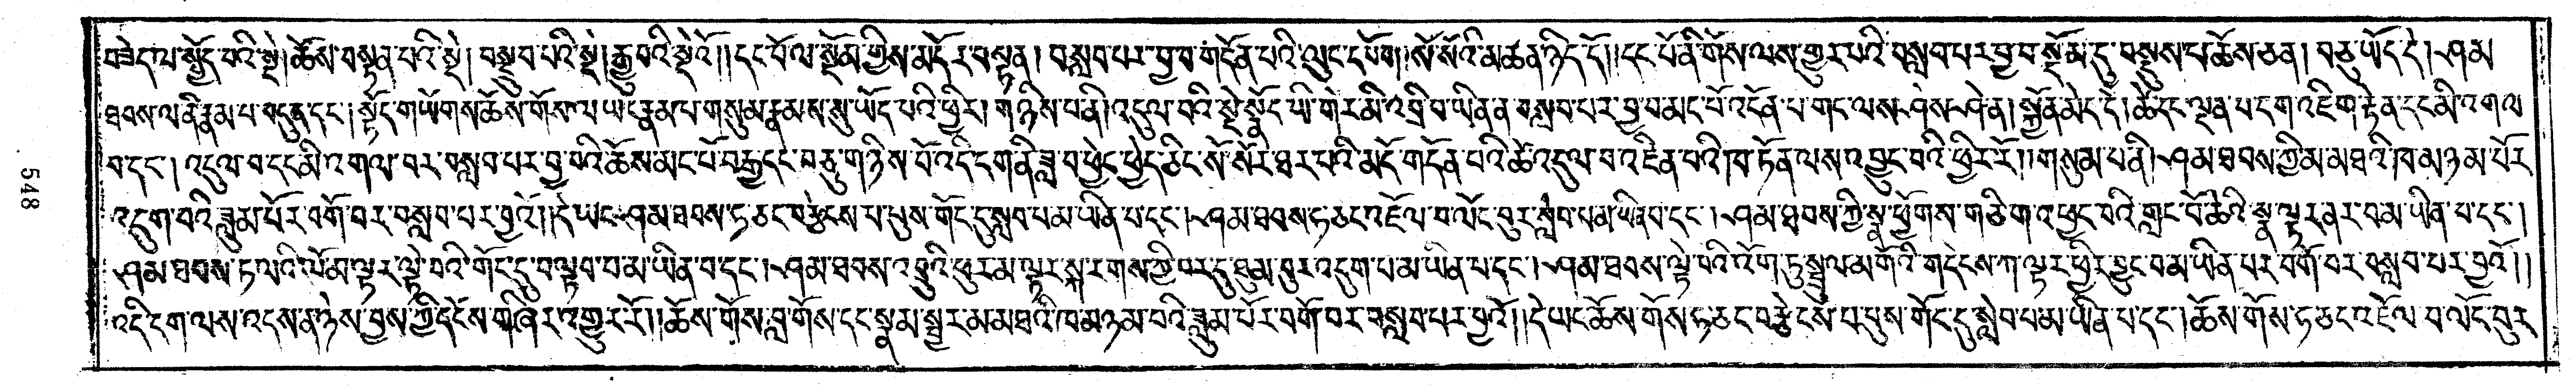བཟེད་ལ་སྤྱོད་པའི་སྡེ། ཆོས་བསྟན་པའི་སྡེ། བསྡྲུབ་པའི་སྡེ། རྒྱུ་བའི་སྡེའོ། །དང་པོ་ལ་སྡོམ་གྱིས་མདོར་བསྟན། བསླབ་པར་བྱ་བ་གདོན་པའི་ལུང་དཔོག། །སོ་སོའི་མཚན་ཉིད་དོ། །དང་པོ་ནི་གོས་ལས་གྱུར་པའི་བསླབ་པར་བྱ་བ་སྡོམ་དུ་བསྡུས་པ་ཆོས་ཅན། བཅུ་ཡོད་དེ། ཤམ་
ཐབས་ལ་ནི་རྣམ་པ་བདུན་དང་། སྟོད་གཡོགས་ཆོས་གོས་ལ་ཡང་རྣམ་པ་གསུམ་རྣམས་སུ་ཡོད་པའི་ཕྱིར། གཉིས་པ་ནི། འདུལ་བའི་སྡེ་སྣོད་ཡི་གེར་མི་འབྲི་བ་ཡིན་ན་བསླབ་པར་བྱ་བ་མང་པོ་འདོན་པ་གང་ལས་ཤེས་ཤེ་ན། སྐྱོན་མེད་དེ། ཚེ་དང་ལྡན་པ་དག་འཇིག་རྟེན་དང་མི་འགལ་
བ་དང་། འདུལ་བ་དང་མི་འགལ་བར་བསླབ་པར་བྱ་བའི་ཆོས་མང་པོ་བརྒྱ་དང་བཅུ་གཉིས་པོ་འདི་དག་ནི་ཟླ་བ་ཕྱེད་ཕྱེད་ཅིང་སོ་སོར་ཐར་པའི་མདོ་གདོན་པའི་ཚེ་འདུལ་བ་འཛིན་པའི་ཁ་ཏོན་ལས་འབྱུང་བའི་ཕྱིར་རོ། །གསུམ་པ་ནི། ཤམ་ཐབས་ཀྱི་མ་མཐའི་ཁ་མཉམ་པོར་
འདུག་བའི་ཟླུམ་པོར་བོག་བར་བསླབ་པར་བྱའོ། །དེ་ཡང་ཤམ་ཐབས་ཧ་ཅང་བརྩེངས་པ་པུས་གོང་དུ་སླབ་པ་མ་ཡིན་པ་དང་། ཤམ་ཐབས་ཧ་ཅང་འཇོལ་བ་ལོང་བུར་སླེབ་པ་མ་ཡིན་པ་དང་། ཤམ་ཐབས་ཀྱི་སྣ་ཕྱོགས་གཅིག་འཕྱང་བའི་གླང་པོ་ཆེའི་སྣ་ལྟར་ནར་བ་མ་ཡིན་པ་དང་།
ཤམ་ཐབས་ཏ་ལའི་ལོ་མ་ལྟར་ལྟེ་བའི་གོང་དུ་བལྟབ་བ་མ་ཡིན་པ་དང་། ཤམ་ཐབས་འབྲུའི་ཕུར་མ་ལྟར་སྐ་རགས་ཀྱི་བར་དུ་ཐུམ་བུར་འདུག་པ་མ་ཡིན་པ་དང་། ཤམ་ཐབས་ལྟེ་བའི་འོག་ཏུ་སྦྲུལ་མགོའི་གདེངས་ཀ་ལྟར་ཕྱིར་བྱུང་བ་མ་ཡིན་པར་བགོ་བར་བསླབ་པར་བྱའོ།།
འདི་དག་ལས་འདས་ན་ཉེས་བྱས་ཀྱི་དངོས་གཞིར་འགྱུར་རོ། །ཆོས་གོས་བླ་གོས་དང་སྣམ་སྦྱར་མ་མཐའི་ཁ་མཉམ་བའི་ཟླུམ་པོར་བགོ་བར་བསླབ་པར་བྱའོ། །དེ་ཡང་ཆོས་གོས་ཧ་ཅང་བརྩེངས་པ་པུས་གོང་དུ་སླེབ་པ་མ་ཡིན་པ་དང་། ཆོས་གོས་ཧ་ཅང་འཇོལ་བ་ལོང་བུར་